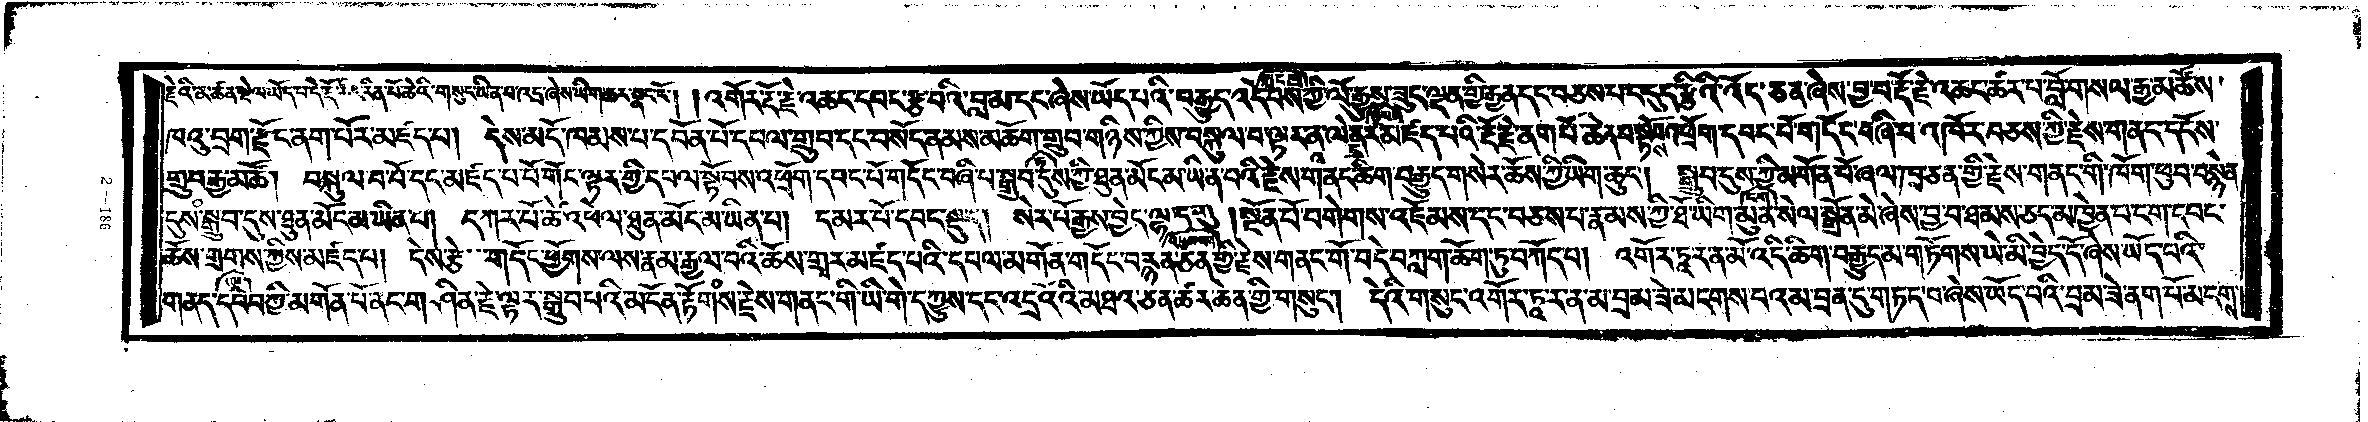རྗེའི་མཚན་སྡེ་ལ་ཡོད་པ་དེ་རྡོ་རིས་རིན་པོ་ཆེའི་གསུང་ཡིན་པ་འདྲ་ཞེས་ཡིག་ཆར་སྣང་ངོ། །འགོར་རྡོ་རྗེ་འཆང་དབང་རྩ་བའི་བླ་མ་དང་ཞེས་ཡོད་པའི་བརྒྱུད་འདེབས་ཀྱི་ལོ་རྒྱུས་ཟུང་ལྡན་གྱི་རྒྱན་དང་བཅས་པ་བདུད་རྩིའི་འོད་ཅན་ཞེས་བྱ་བ་རྡོ་རྗེ་འཆང་ཚར་བ་བློ་གསལ་རྒྱ་མཚོས་
ཁའུ་བྲག་རྫོང་ནག་པོར་མཛད་པ། དེས་མདོ་ཁམས་པ་དབོན་པོ་དཔལ་གྲུབ་དང་བསོད་ནམས་མཆོག་གྲུབ་གཉིས་ཀྱིས་བསྐུལ་བ་ལྟར་ནཱ་ལེནྡྲར་མཛད་པའི་རྡོ་རྗེ་ནག་པོ་ཆེན་བསྟོབས་འཕྲོག་དབང་པོ་གདོང་བཞི་བ་འཁོར་བཅས་ཀྱི་རྗེས་གནང་དངོས་
གྲུབ་རྒྱ་མཚོ། བསྐུལ་བ་པོ་དང་མཛད་པ་པོ་གོང་ལྟར་གྱི་དཔལ་སྟོབས་འཕྲོག་དབང་པོ་གདོང་བཞི་པ་སྒྲུབ་དུས་ཀྱི་ཐུན་མོང་མ་ཡིན་བའི་རྗེས་གནང་ཆིག་བརྒྱུད་གསེར་ཆོས་ཀྱི་ཡིག་ཆུང་། སྒྲུབ་དུས་ཀྱི་མགོན་པོ་ཞལ་ཁྲ་ཅན་གྱི་རྗེས་གནང་གི་ཁོག་ཕུབ་བསྙེན་
དུས་སྒྲུབ་དུས་ཐུན་མོང་མ་ཡིན་པ། དཀར་པོ་ཚེ་འཕེལ་ཐུན་མོང་མ་ཡིན་པ། དམར་པོ་དབང་སྡུད། སེར་པོ་རྒྱས་བྱེད་ལྷ་དགུ །སྔོན་པོ་བགེགས་འཇོམས་དང་བཅས་པ་རྣམས་ཀྱི་ཐོ་ཡིག་མུན་སེལ་སྒྲོན་མེ་ཞེས་བྱ་བ་ཐམས་ཅད་མཁྱེན་པ་ངག་དབང་
ཆོས་གྲགས་ཀྱིས་མཛད་པ། དེས་རྩེ་གདོང་ཕྱོགས་ལས་རྣམ་རྒྱལ་བའི་ཆོས་གྲྭར་མཛད་པའི་དཔལ་མགོན་གདོང་བརྙན་ཅན་གྱི་རྗེས་གནང་གོ་བདེ་བཀླག་ཆོག་ཏུ་བཀོད་པ། འགོར་ཏཱ་ར་ན་མོ་འདི་ཆིག་བརྒྱུད་མ་གཏོགས་ཡེ་མི་བྱེད་དོ་ཞེས་ཡོད་པའི་
གནད་དབབ་ཀྱི་མགོན་པོ་ནང་གཤིན་རྗེ་ལྟར་སྒྲུབ་པའི་མངོན་རྟོགས་རྗེས་གནང་གི་ཡི་གེ་དཀྱུས་དང་འདྲའོའི་མཐའ་ཅན་ཚར་ཆེན་གྱི་གསུང་། དེའི་གསུང་འགོར་ཏཱ་ར་ན་མ་བྲམ་ཟེ་མངགས་བའམ་བྲན་དུ་གཏད་བ་ཞེས་ཡོད་བའི་བྲམ་ཟེ་ནག་པོ་མངགས་